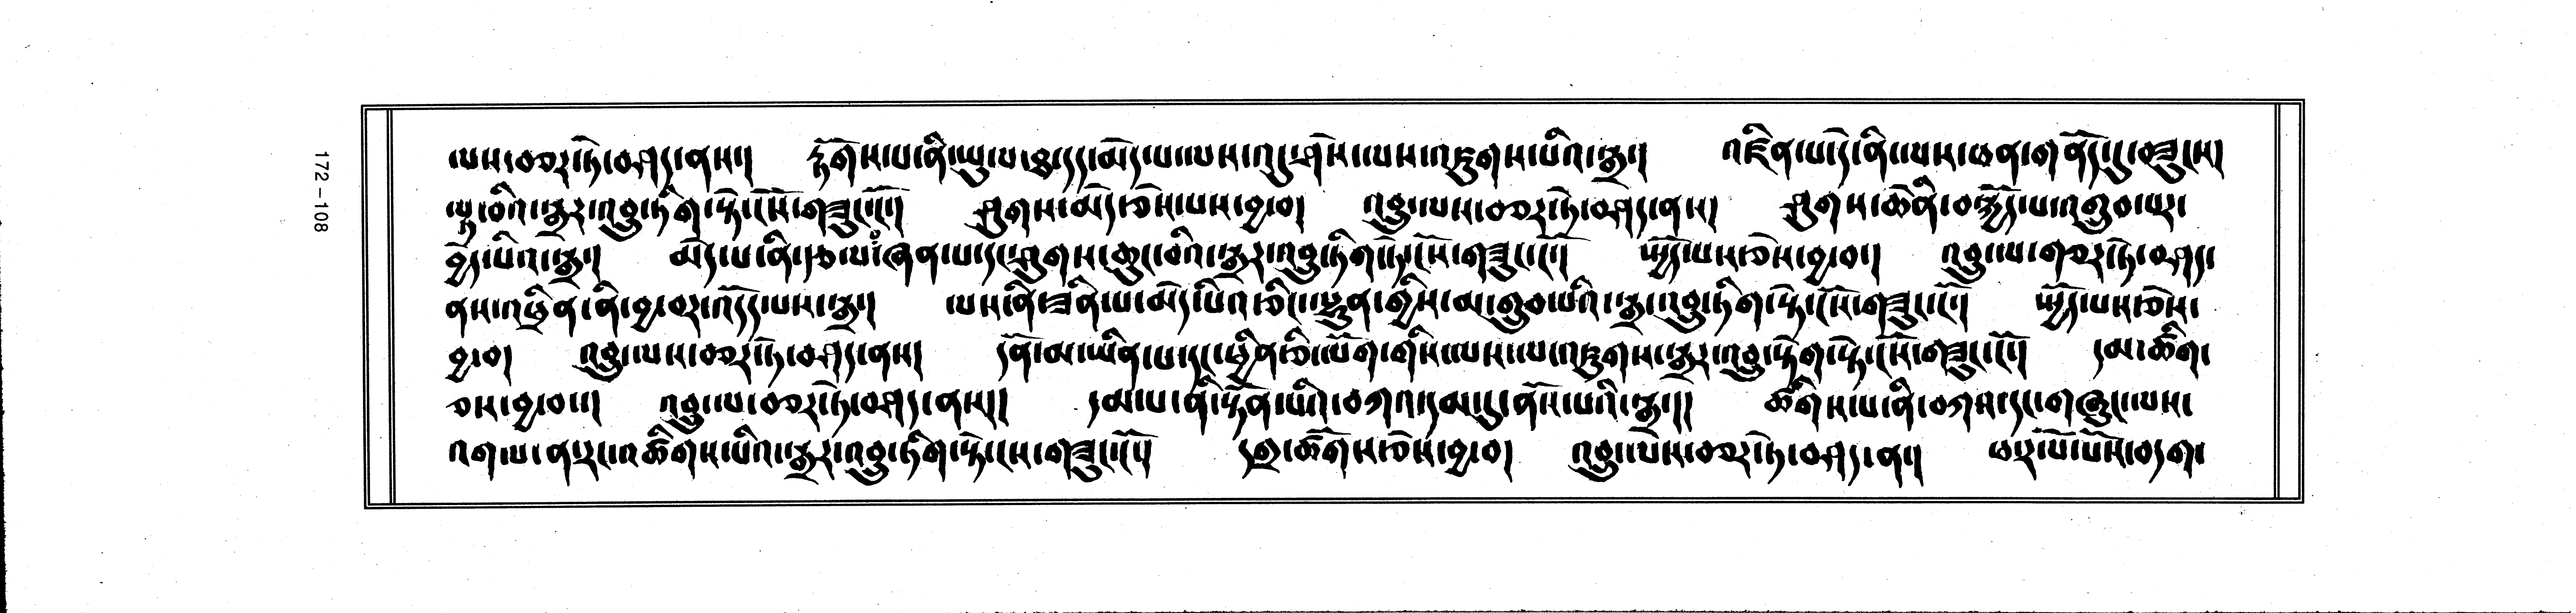ལས་བཅར་ཏེ་བཤད་ནས། རྟོགས་པ་ནི་ཡུལ་ཐ་དད་མེད་པ་ལས་འདུ་ཤེས་ལས་འཇུགས་པའི་སྒྲ། འཛིན་པ་དེ་ནི་ལས་ཕན་གནོད་དུ་བཟུངས། 
ལྟ་བའི་སྒྲར་འབྲུ་ཏིག་སྟེ་ངོས་གཟུང་ངོ་། ཤུགས་མེད་ཅེས་པས་བྱ་བ། འབྲུ་ལས་བཅར་ཏེ་བཤད་ནས། ཤུགས་ཆེན་ནི་བསྐྱོད་པ་འགྲུབ་པར་
བྱེད་པའི་སྒྲ། མེད་པ་ནི་རྩལ་བ་ཞན་པ་དང་ཤུགས་ཆུང་བའི་སྒྲར་འབྲུ་ཏིག་ཏེ་ངོས་གཟུང་ངོ་། སྤྱོད་པས་ཅེས་བྱ་བ། འབྲུ་ལ་གཅར་ཏེ་བཤད་
ནས་འཕྲིན་ནི་བྱ་བར་འདོད་པས་སྒྲ། ལས་ནི་ཟིན་པ་མེད་པའི་ཅིང་ལྷུན་གྱིས་མ་གྲུབ་པའི་སྒྲ་འབྲུ་ཏིག་སྟེ་ངོས་གཟུང་ངོ་། སྤྱོད་པས་ཅེས་
བྱ་བ། འབྲུ་ལས་བཅར་ཏེ་བཤད་ནས། དོན་མ་ཡིན་པ་དང་ཕྱིན་ཅི་ལོག་གིས་ལས་ལ་འཇུགས་སྒྲར་འབྲུ་ཏིག་སྟེ་ངོས་བཟུང་ངོ་། དམ་ཚིག་
ཅེས་བྱ་བ། འབྲུ་ལ་བཅར་ཏེ་བཤད་ནས། དམ་པ་ནི་སྟོན་པའི་བཀའ་དམ་དུ་ནོས་པའི་སྒྲ། ཚིགས་པ་ནི་བཀའ་དང་གཞུང་ལས་
འགལ་ན་རང་འཚིགས་པའི་སྒྲར་འབྲུ་ཏིག་སྟེ་ངོས་གཟུང་ངོ་། དགྲ་ཚོགས་ཅེས་བྱ་བ། འབྲུ་ལས་བཅར་ཏེ་བཤད་ན། ཕ་རོལ་པོས་བདག་